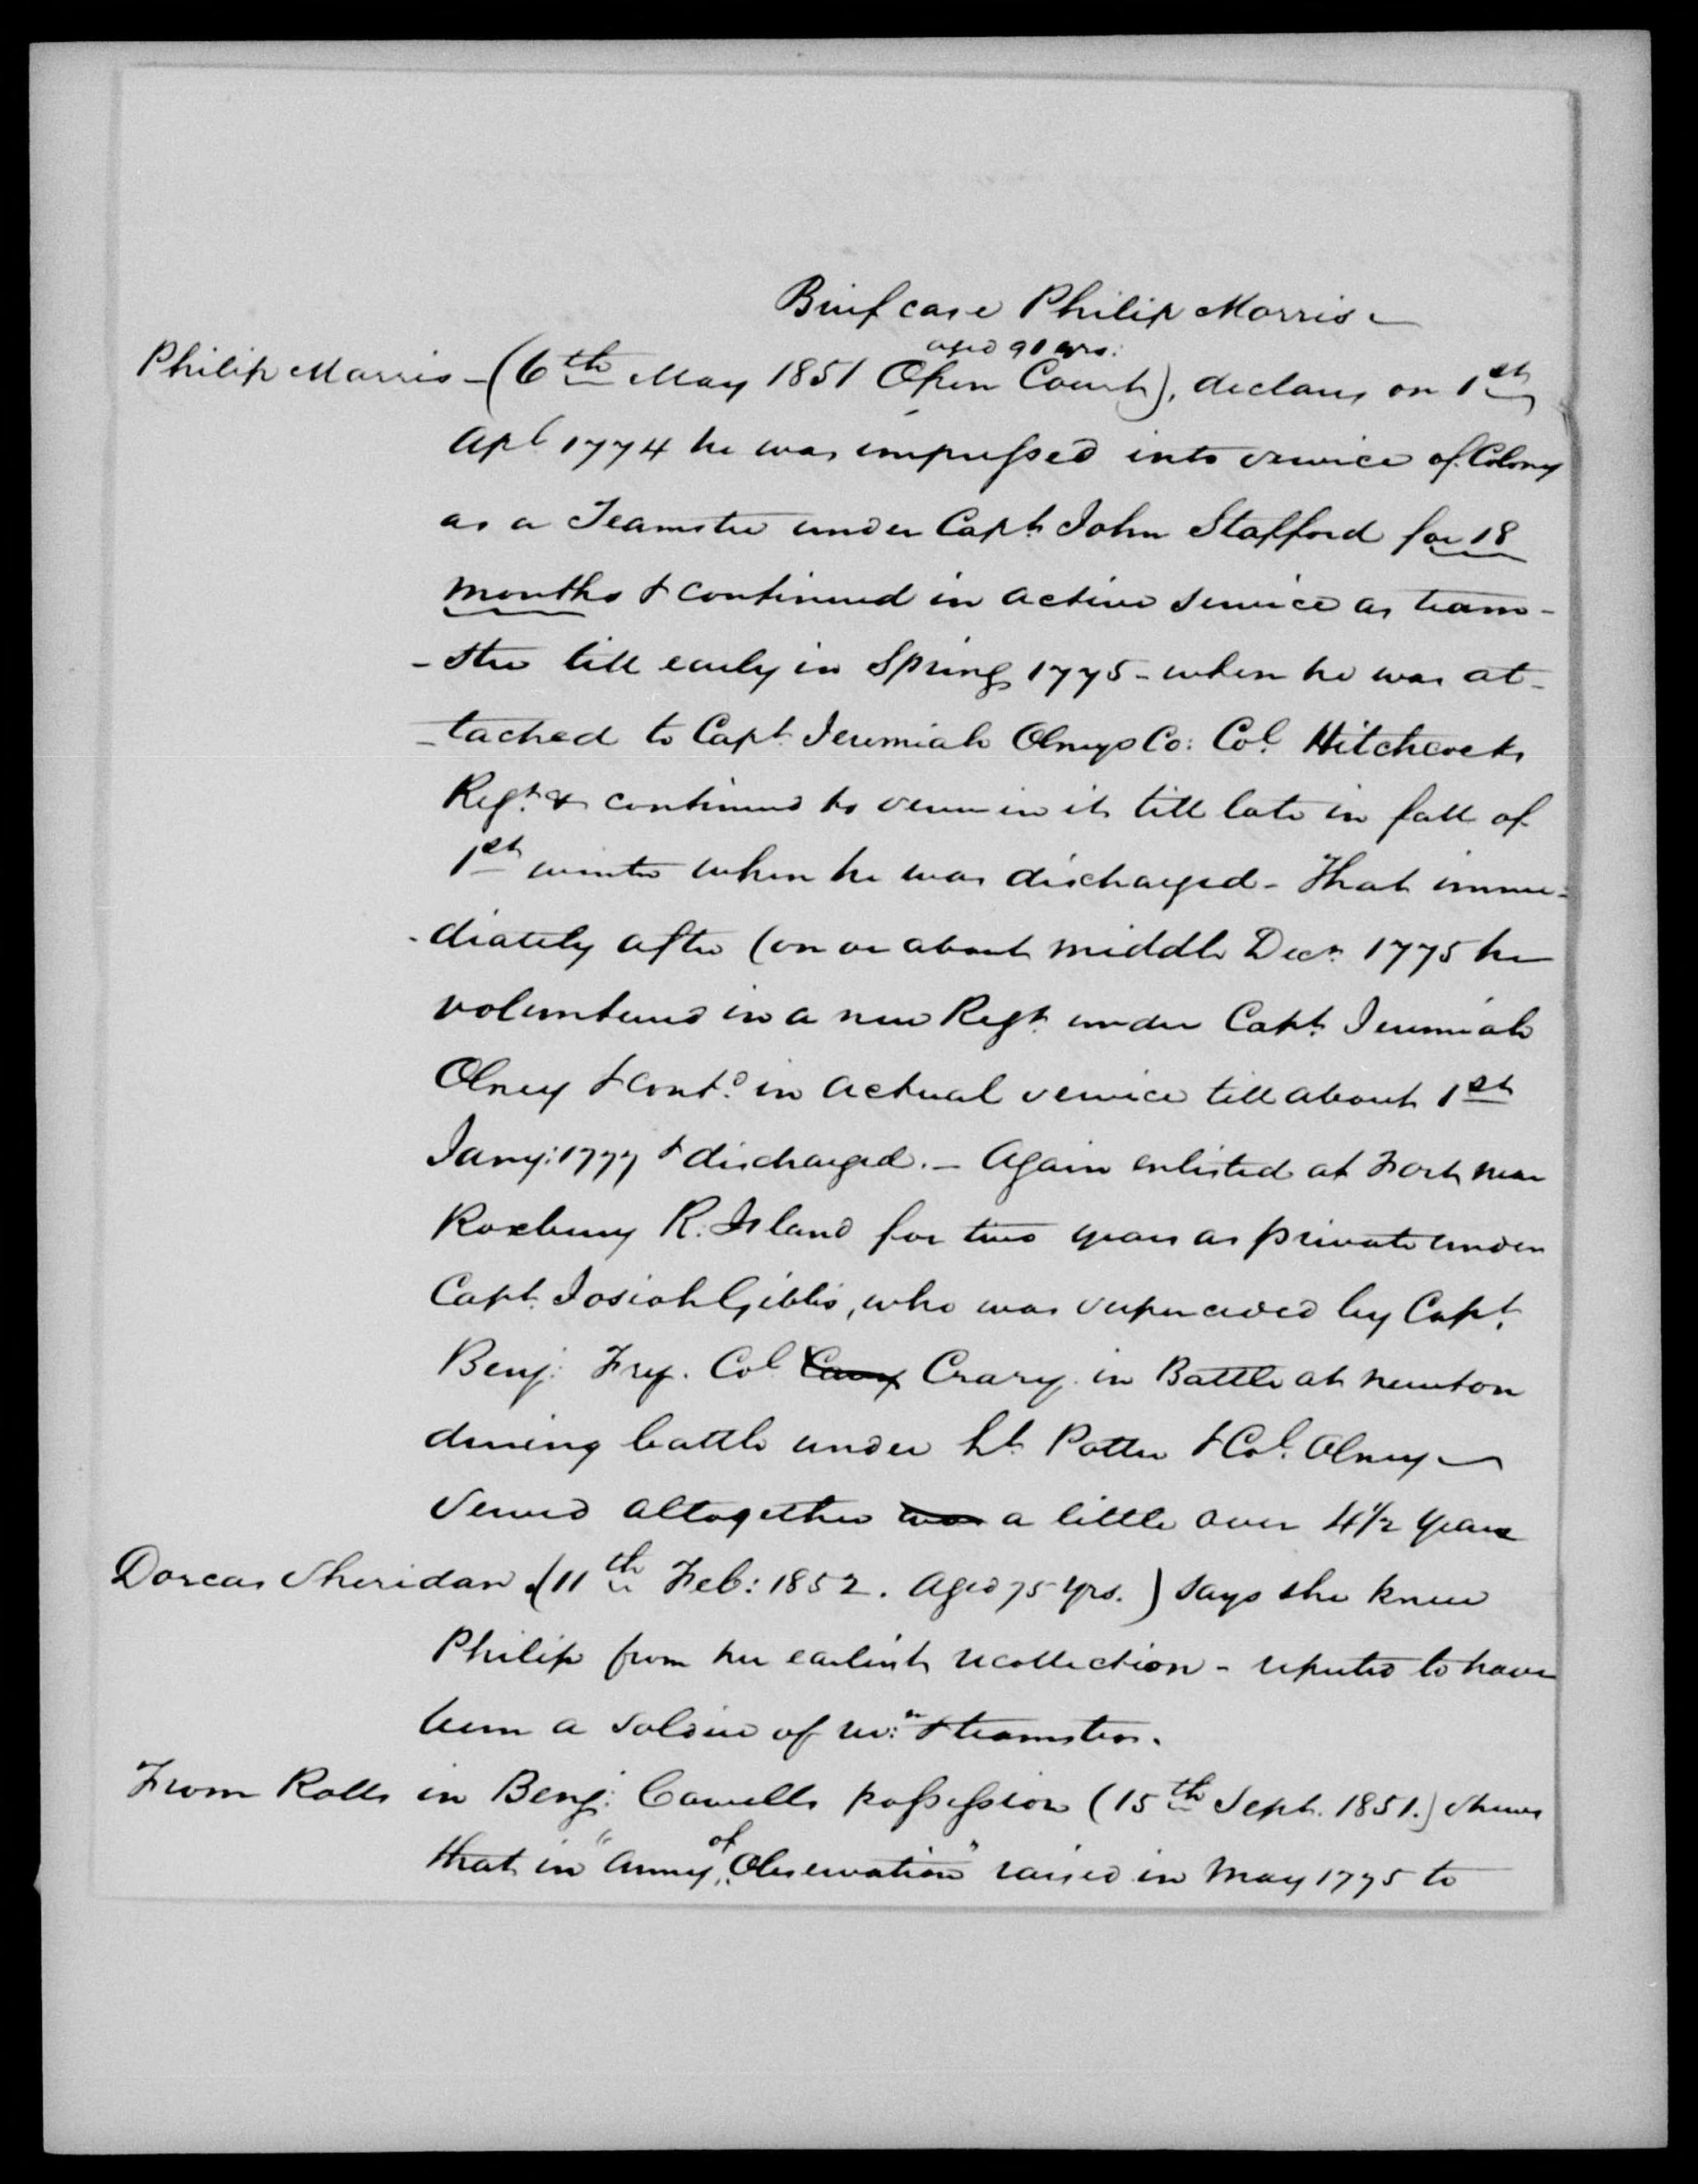Brief case Philip Morris -

Philip Morris (6th May 1851 Open Court aged 90 years), declares on 1st Apr 1774 he was impressed into service of Colony as a Teamster under Capt John Stafford for 18 months & confirmed in active service as teamster till early in Spring 1775 - when he was attached to Capt Jeremiah Olney's Co: Col. Hitchcock, Regt. & combined to [illegible] in it till late in fall of 1st winter when he was discharged. That immediately after (on or about middle Dec. 1775 he volunteered in a new Regt. under Capt. Jeremiah Olney & cont. in actual service till around  1st Jan 1777 & discharged -  again enlisted at Fort near Roxbury R. Island for two years as private under Capt. Josiah Gibbs, who was [illegible] by Capt. Benj. Fry. Col. Crary in Battle at Newton during battle under Lt. Potter & Col Olney - viewed altogether a little over 4 1/2 years 

Dorcas Sheridan (11th Feb: 1852. aged 75 yrs.) says she new Philip from her earliest recollection - reputed to have been a soldier of US & a teamster.

From Rolls in Benj. Cowells possession (15th Sept. 1851) shows that in "Army of Observation" raised in May 1775 to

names: Benj Cowell; [BLANK] Crary; [BLANK] Patter; Philip Morris; Josiah Gibbs; Benj Fry; Jeremiah Olney; John Stafford; Dorcas Sheridan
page: 41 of 44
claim: survivor's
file: S. 28,815, for Philip Morris, Rhode Island